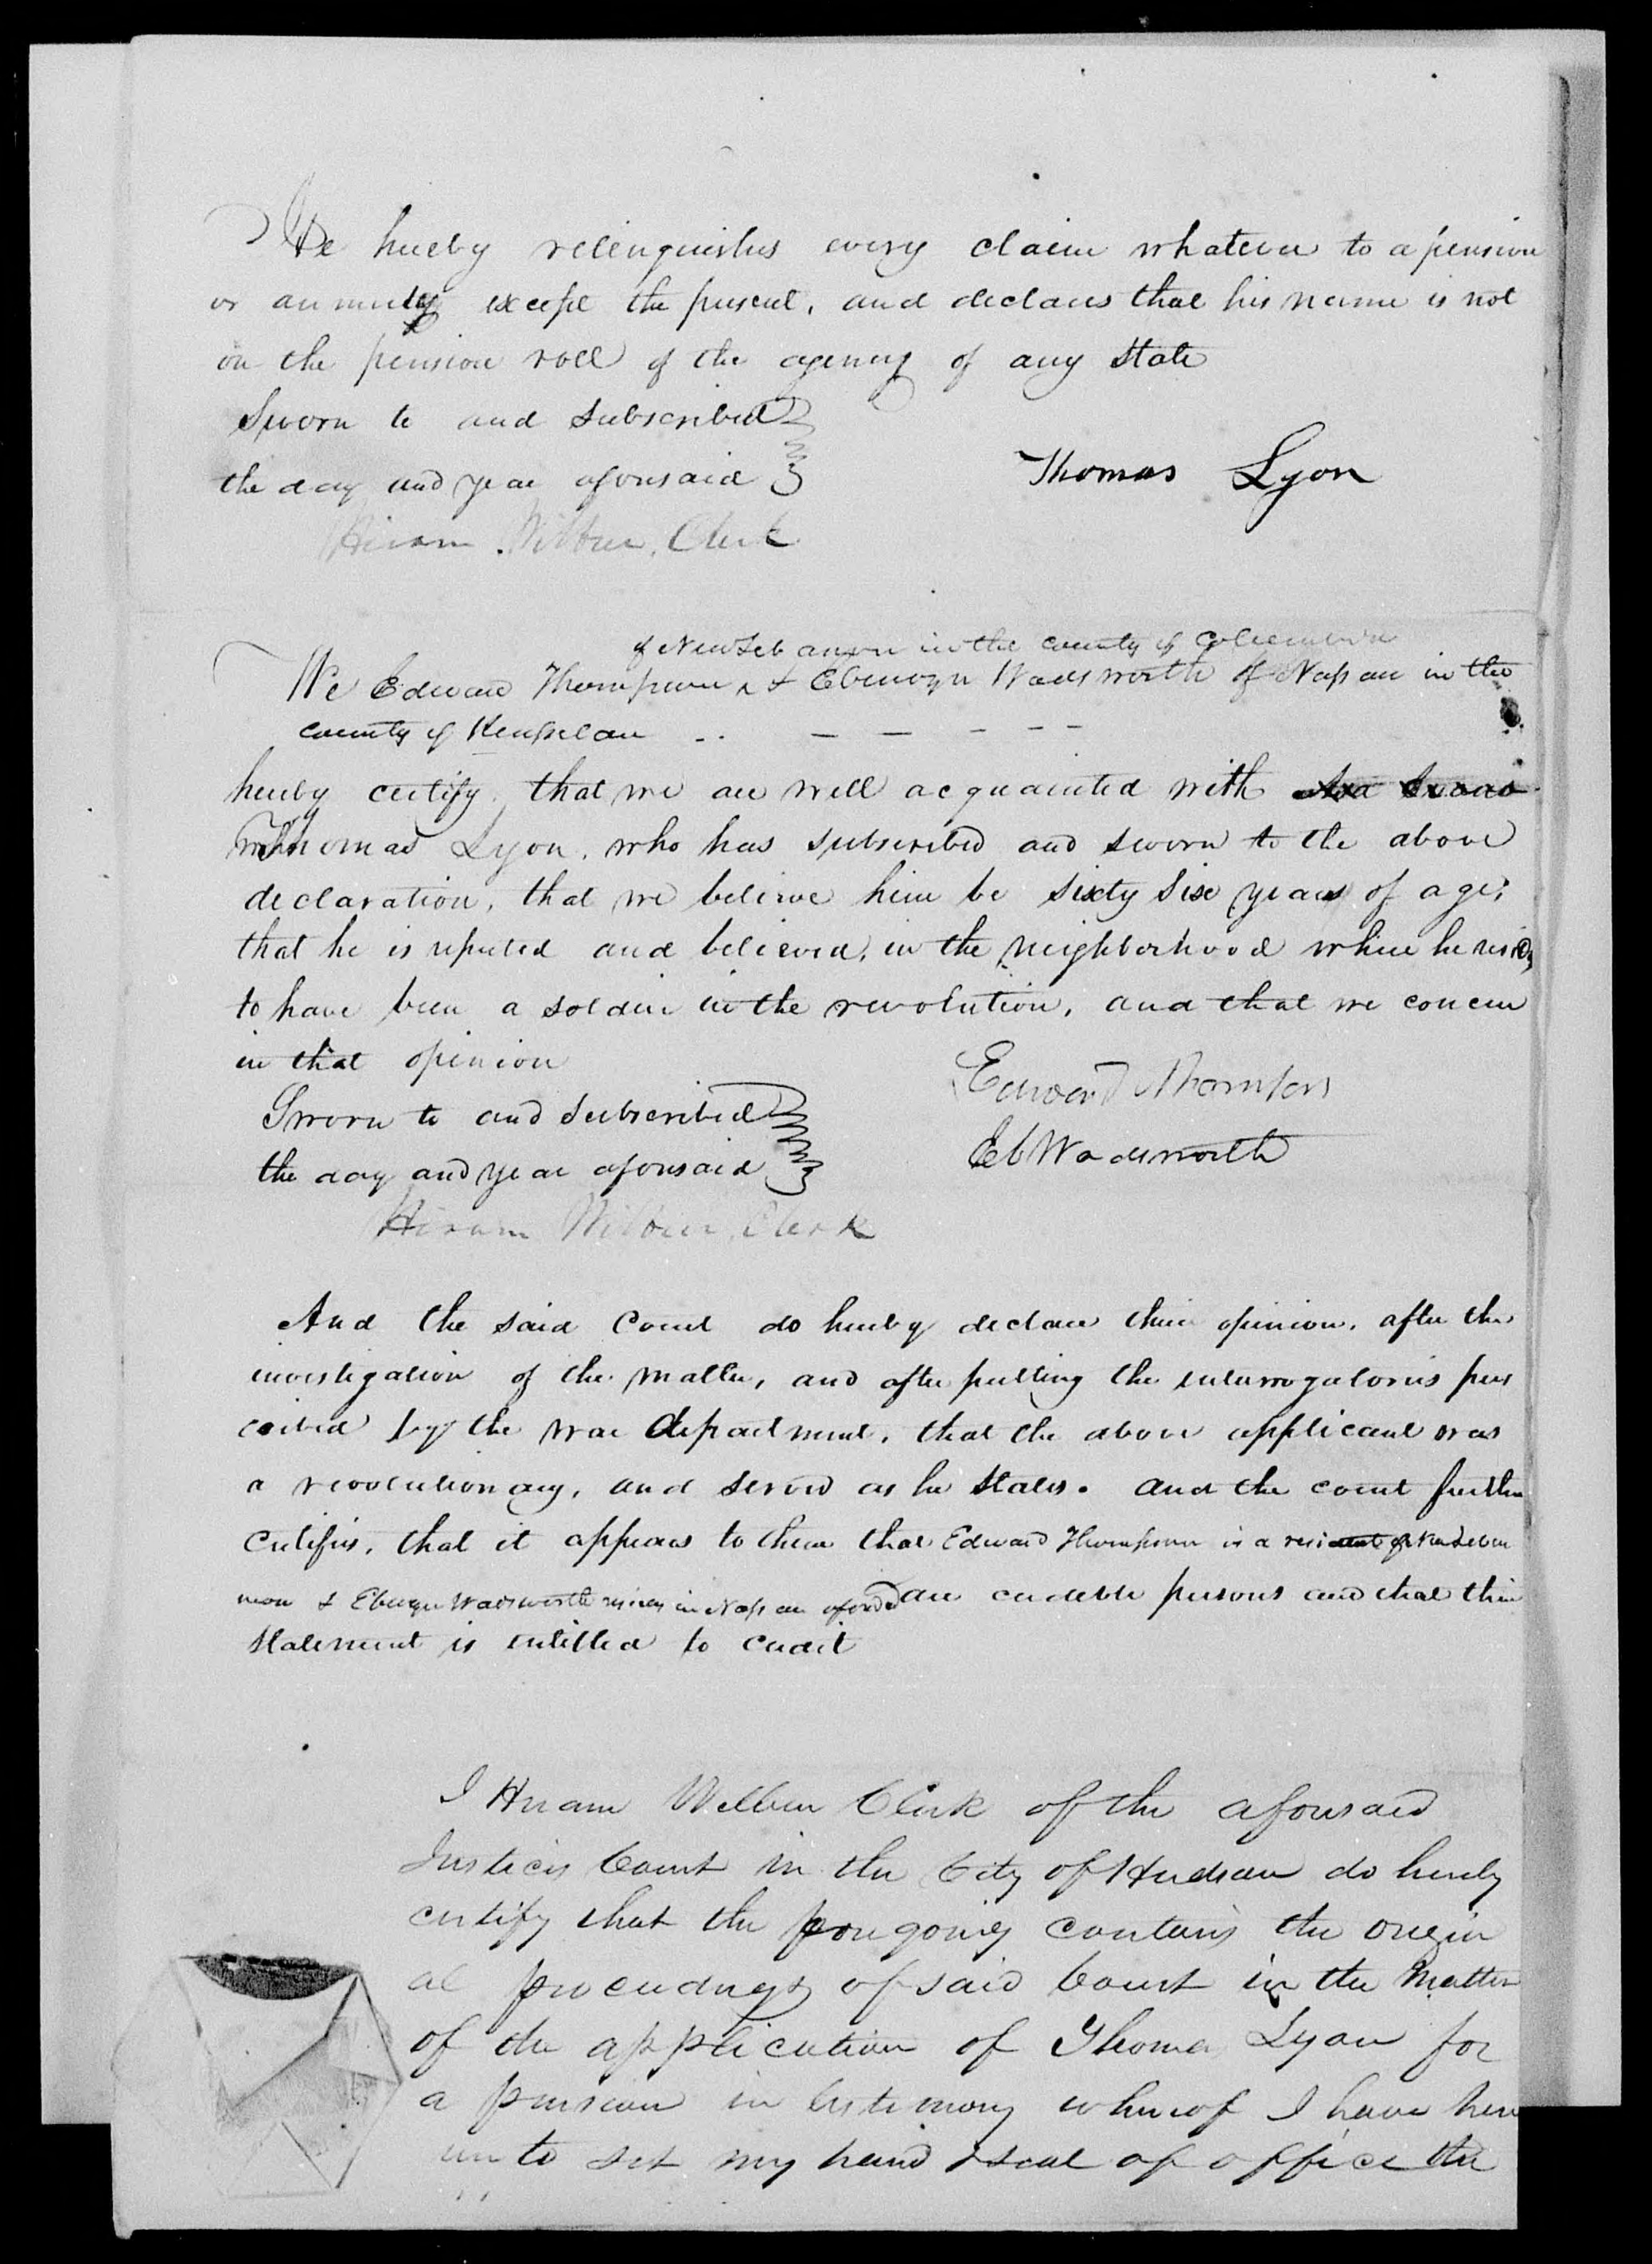He hereby relinquishes every claim whatever to a pension or annuity except the present, and declares that his name is not on the pension roll of the agency of any State
Thomas Lyon
Sworn to and subscribed
the day and year aforesaid
Hiram Wilbur Clerk

We Edward Thompson of of New Lebanon in the County of Columbia & Elinor Wadsworth of Nassau in the County of Rensselaer
hereby certify, that we are well acquainted with 
Thomas Lyon who has subscribed and sworn to the above declaration, that we believe him be sixty six years of age, that he is reputed and believed, in the neighborhood where he resides to have been a soldier in the revolution, and that we concur in that opinion
Edward Thompson
El Wadsworth
Sworn to and subscribed
the day and year aforesaid
Hiram Wilbur Clerk

And the said Court do hereby declare their opinion, after the investigation of the matter, and after putting the interrogators prescribed 
by the war department, that the above applicant was a revolutionary, and served as he states. And the court further certifies, that it appears to them that Edward Thompson is a resident of New Lebanon & Ebenezer Wadsworth resides in Nassau as aforesaid are  credible persons and that this
Statement is entitled to credit
I Hiram William Clerk of the aforesaid
Justices Court in the City of Hudson do hereby
certify that the foregoing contains the origin
al proceedings of said Court in the matter
of the application of Thomas Lyon for
a pension in testimony whereof I have here
unto set my hand & seal of office the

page: 4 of 28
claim: survivor's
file: S. 21,872, for Thomas Lyon, New York